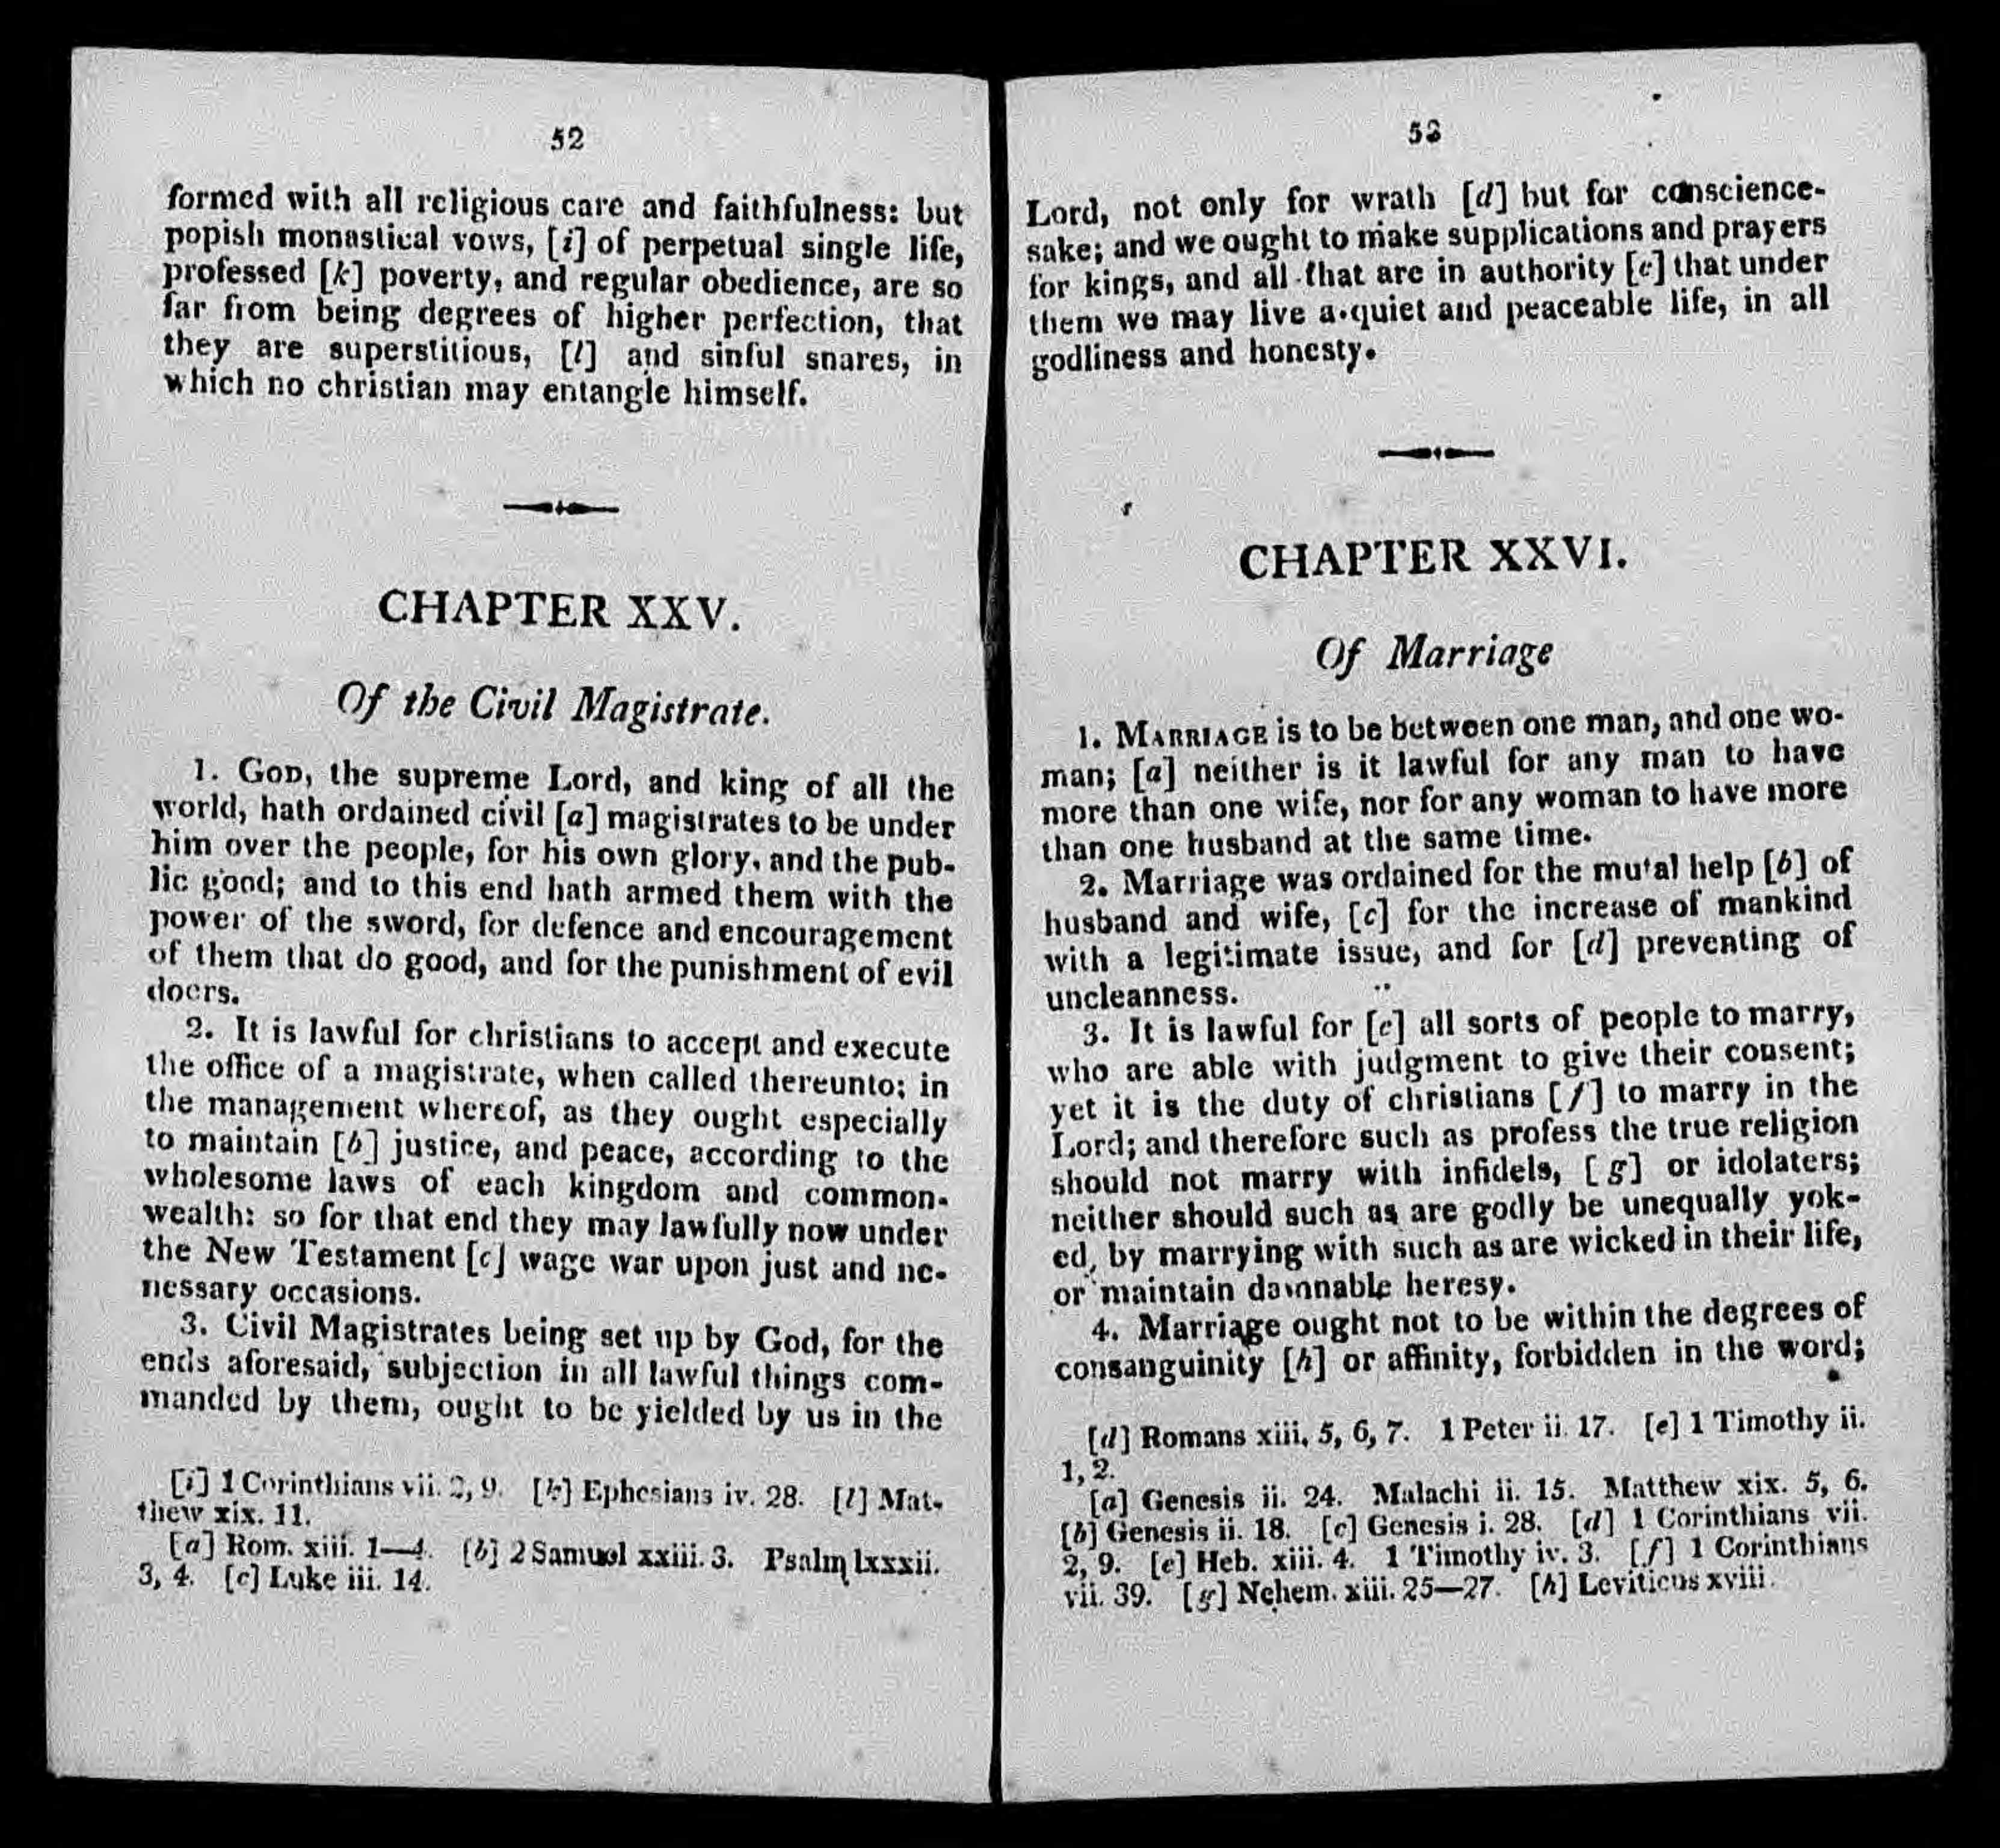52

formed with all religious care and faithfulness: but
popish monastical vows, [i] of perpetual single life,
professed [k] poverty, and regular obedience, are so
far from being degrees of higher perfection, that
they are superstitious, [l] and sinful snares, in
which no christian may entangle himself.
---

CHAPTER XXV.
Of the Civil Magistrate.

1. GOD, the supreme Lord, and king of all the
world, hath ordained civil [a] magistrates to be under
him over the people, for his own glory, and the public
good; and to this end hath armed them with the
power of the sword, for defence and encouragement
of them that do good, and for the punishment of evil
doers.
2. It is lawful for christians to accept and execute
the office of a magistrate, when called thereunto; in
the management whereof, as they ought especially
to maintain [b] justice, and peace, according to the
wholesome laws of each kingdom and common
wealth: so for that end they may lawfully now under the
New Testament [c]  wage war upon just and 
necessary occasions.
3. Civil Magistrates being set up by God, for the
ends aforesaid, subjection in all lawful things commanded
by them, ought to be yielded by us in the

[i] 1 Corinthians vii. 2, 9.   [h] Ephesians iv. 28. [l] Matthew
xix. 11.
[a] Rom. xiii. 1-4.   [b] 2 Samuel xxiii.  3.  Psalm lxxxii.
3, 4.   [c] Luke iii. 14.

52

Lord, not only for wrath [d] but for conscience-
sake; and we ought to make supplications and prayers
for kings, and all that are in authority [c] that under
them we may live a quiet and peaceable life, in all
godliness and honesty.

-----

CHAPTER XXVI.
Of Marriage

1. MARRIAGE is to be between one man, and one woman; 
[a] neither is it lawful for any man to have
more than one wife, nor for any woman to have more 
than one husband at the same time.
2. Marriage was ordained for the mutal help [b] of
husband and wife, [c] for the increase of mankind
with a legitimate issue, and for [d] preventing of
uncleanness.
3. It is lawful for all [e]sorts of people to marry,
who are able with judgment to give their consent;
yet it is the duty of christians [f] to marry in the
Lord; and therefore such as profess the true religion
should not marry with infidels, [g] or idolaters;
neither should such as are godly be unequally yoked, 
by marrying with such as are wicked in their life,
or maintain damnable heresy.
4. Marriage ought not to be within the degrees of
consanguinity [h]  or affinity, forbidden in the word;

[d] Romans xiii. 5, 6,7.  1 Peter ii 17.   [e] 1 Timothy ii.
1,2.
[a] Genesis ii. 24.   Malachi li. 15.   Matthew xix. 5, 6.
[b] Genesis ii 18.   [c. ]  Genesis i. 28  [d] 1 Corinthians vii.
2, 9.   [e] Heb. xiii. 4. 1 Timothy iv. 3.   [f] 1 Corinthians
vii. 39.   [g] Nehem.  xiii. 25-27.   [h] Leviticus xviii.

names: Samuel, Timothy, Peter, Malachi, Timothy, Matthew, Matthew, Luke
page: 38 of 98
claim: widow's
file: W. 8398, William Broadway, S.C.